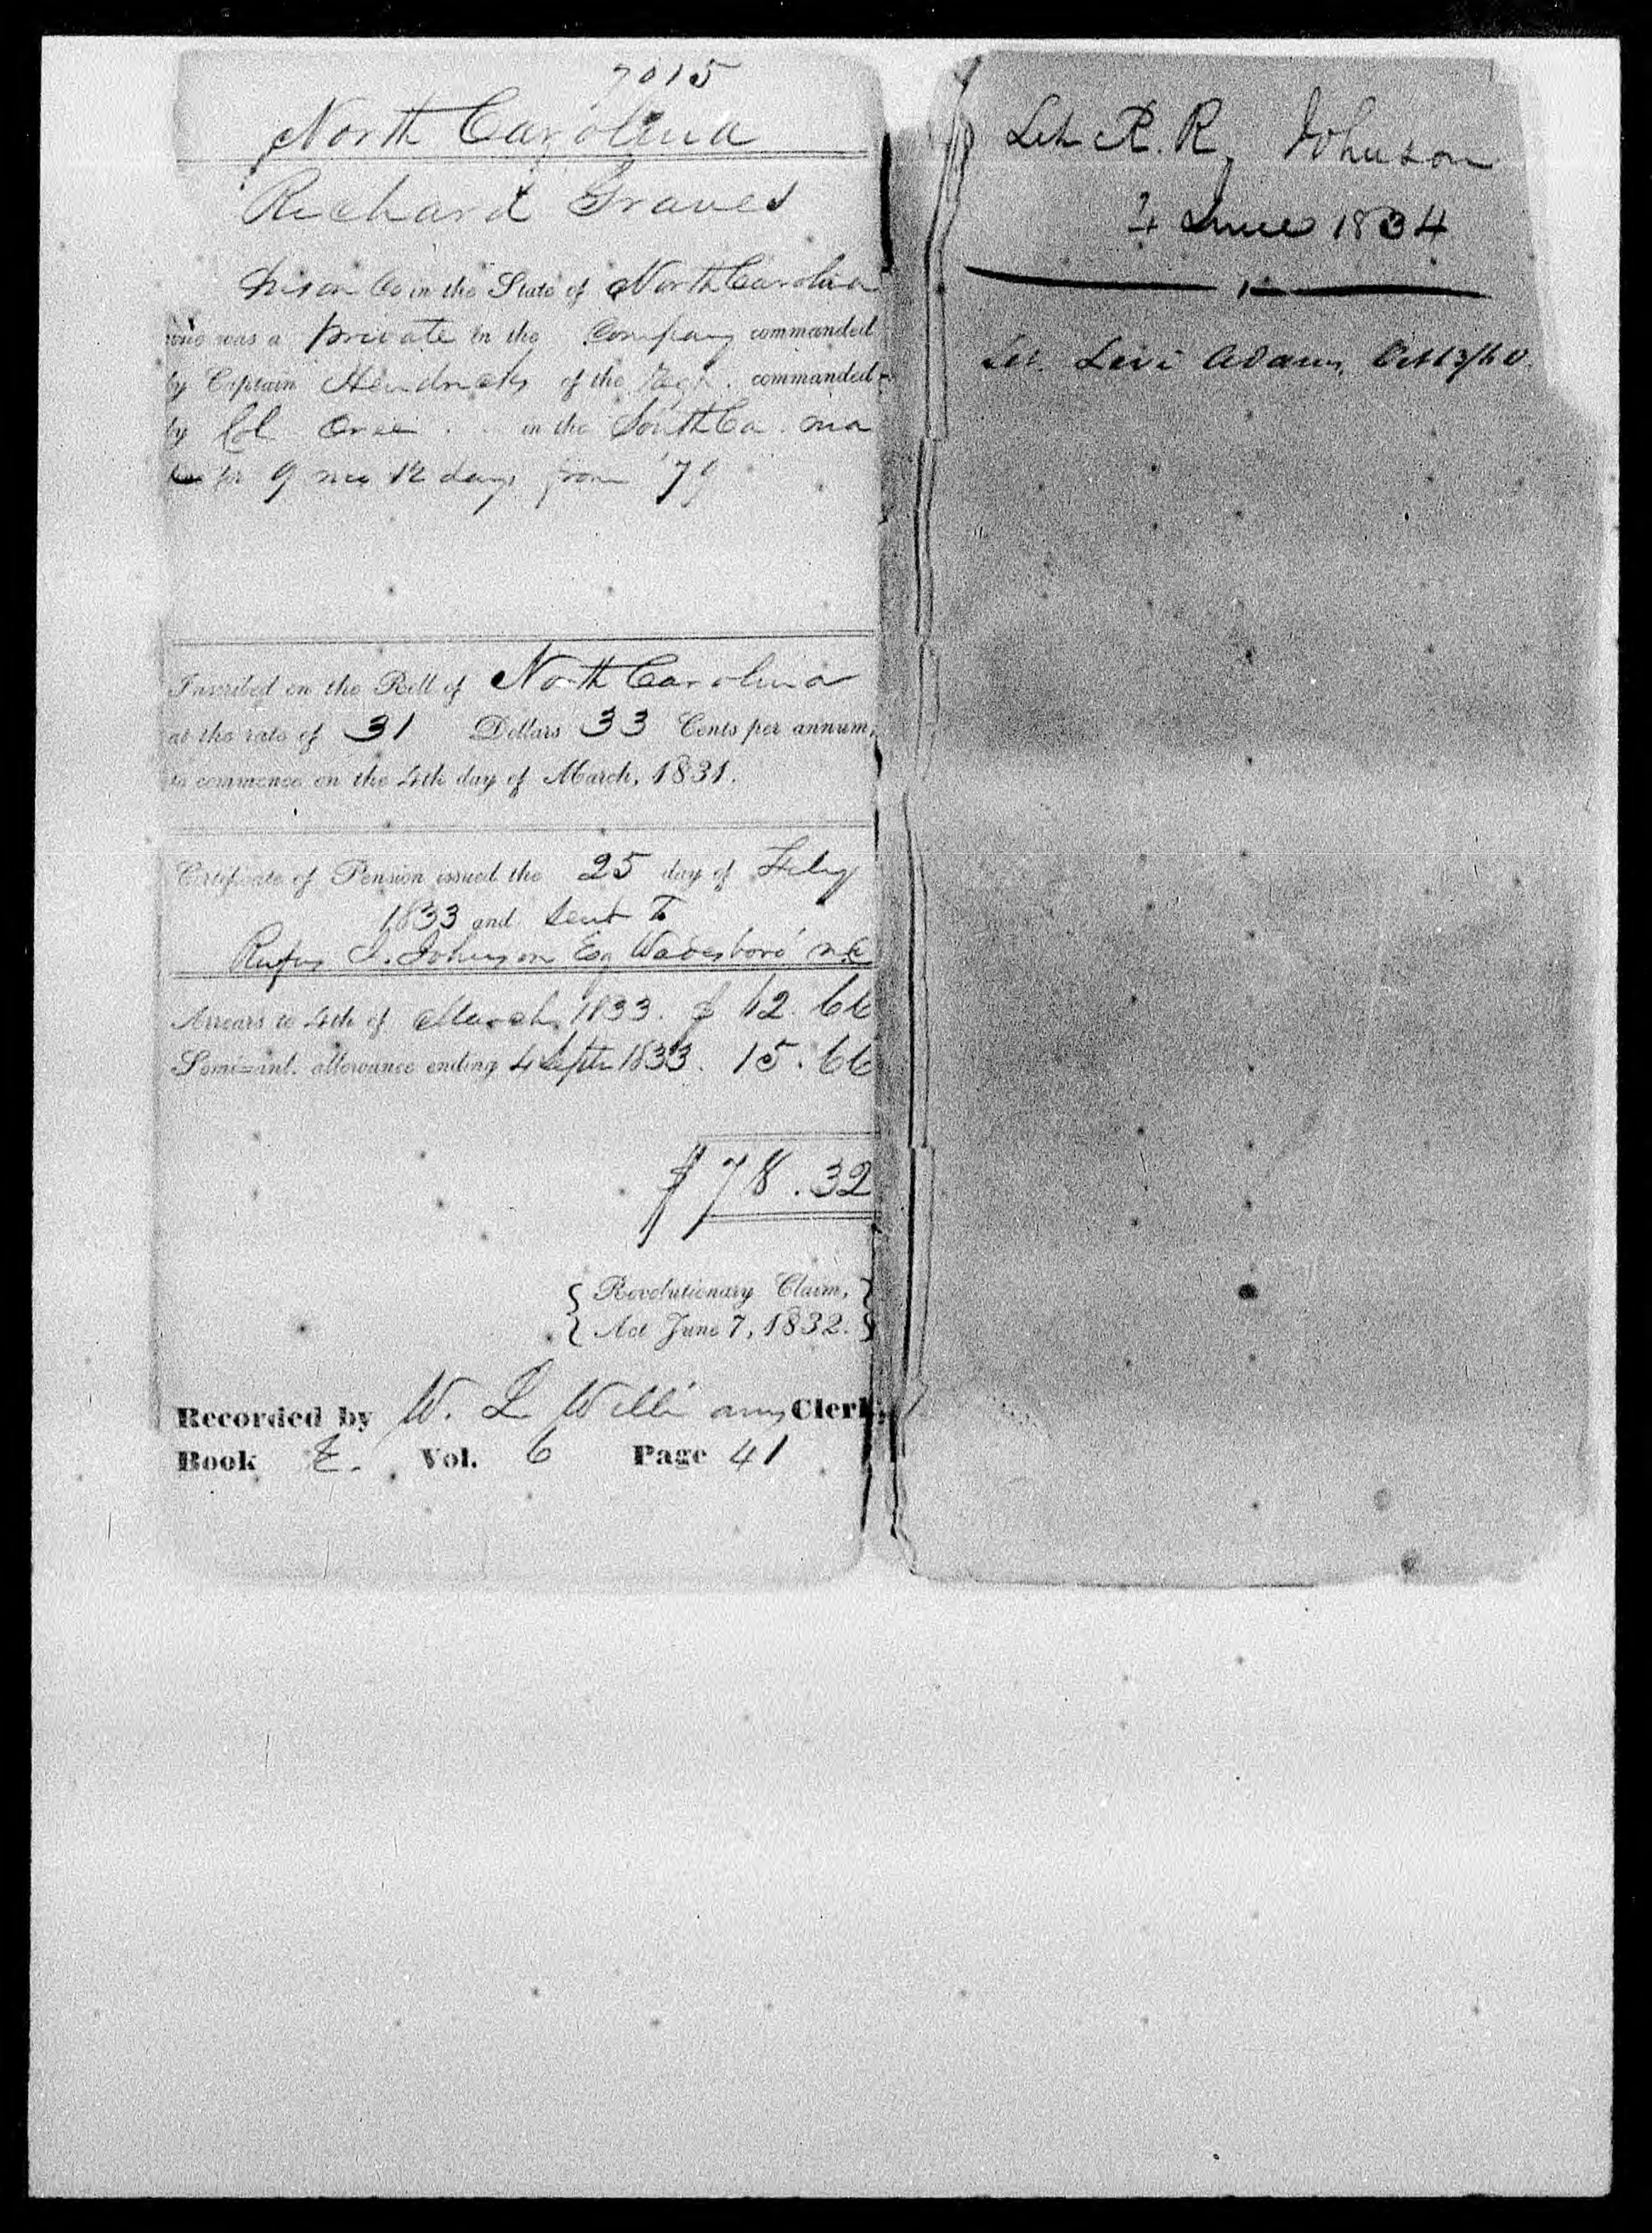7015
North Carolina

Richard Graves

Anson Co in the state of North Carolina
was a private in the Company commanded
by Captain Hendricks of the Regt. commanded
by Col. Oree . . in the South Carolina
for 9 mos 12 days, from '79

Inscribed on the Roll of North Carolina
at the rate of 31 Dollars 33 Cents per annum,
to commence on the 4th day of March, 1831.

Certificate of Pension issued the 25 day of Feby
1853 and sent to
Rufus I. Johnson Esq Wadesboro NC

Arrears to 4th of March, 1833. $ 62.66
Semi=amt. allowance ending 4 Sept 1833. 15.66

$78.32

{ Revolutionary Claim,
Act June 7, 1832. }

Recorded by W. L. Williams Clerk,
Book E   Vol. 6   Page 41


Lt. R. R. Johnson
4 June 1834
1
Lt. Levi Adams, Oct 13/60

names: W L Williams, Oree, Rufus J Johnson, Levi Adams, Hendricks, R R Johnson, Richard Graves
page: 2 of 15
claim: survivor's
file: S. 8598, Richard Graves, S.C.